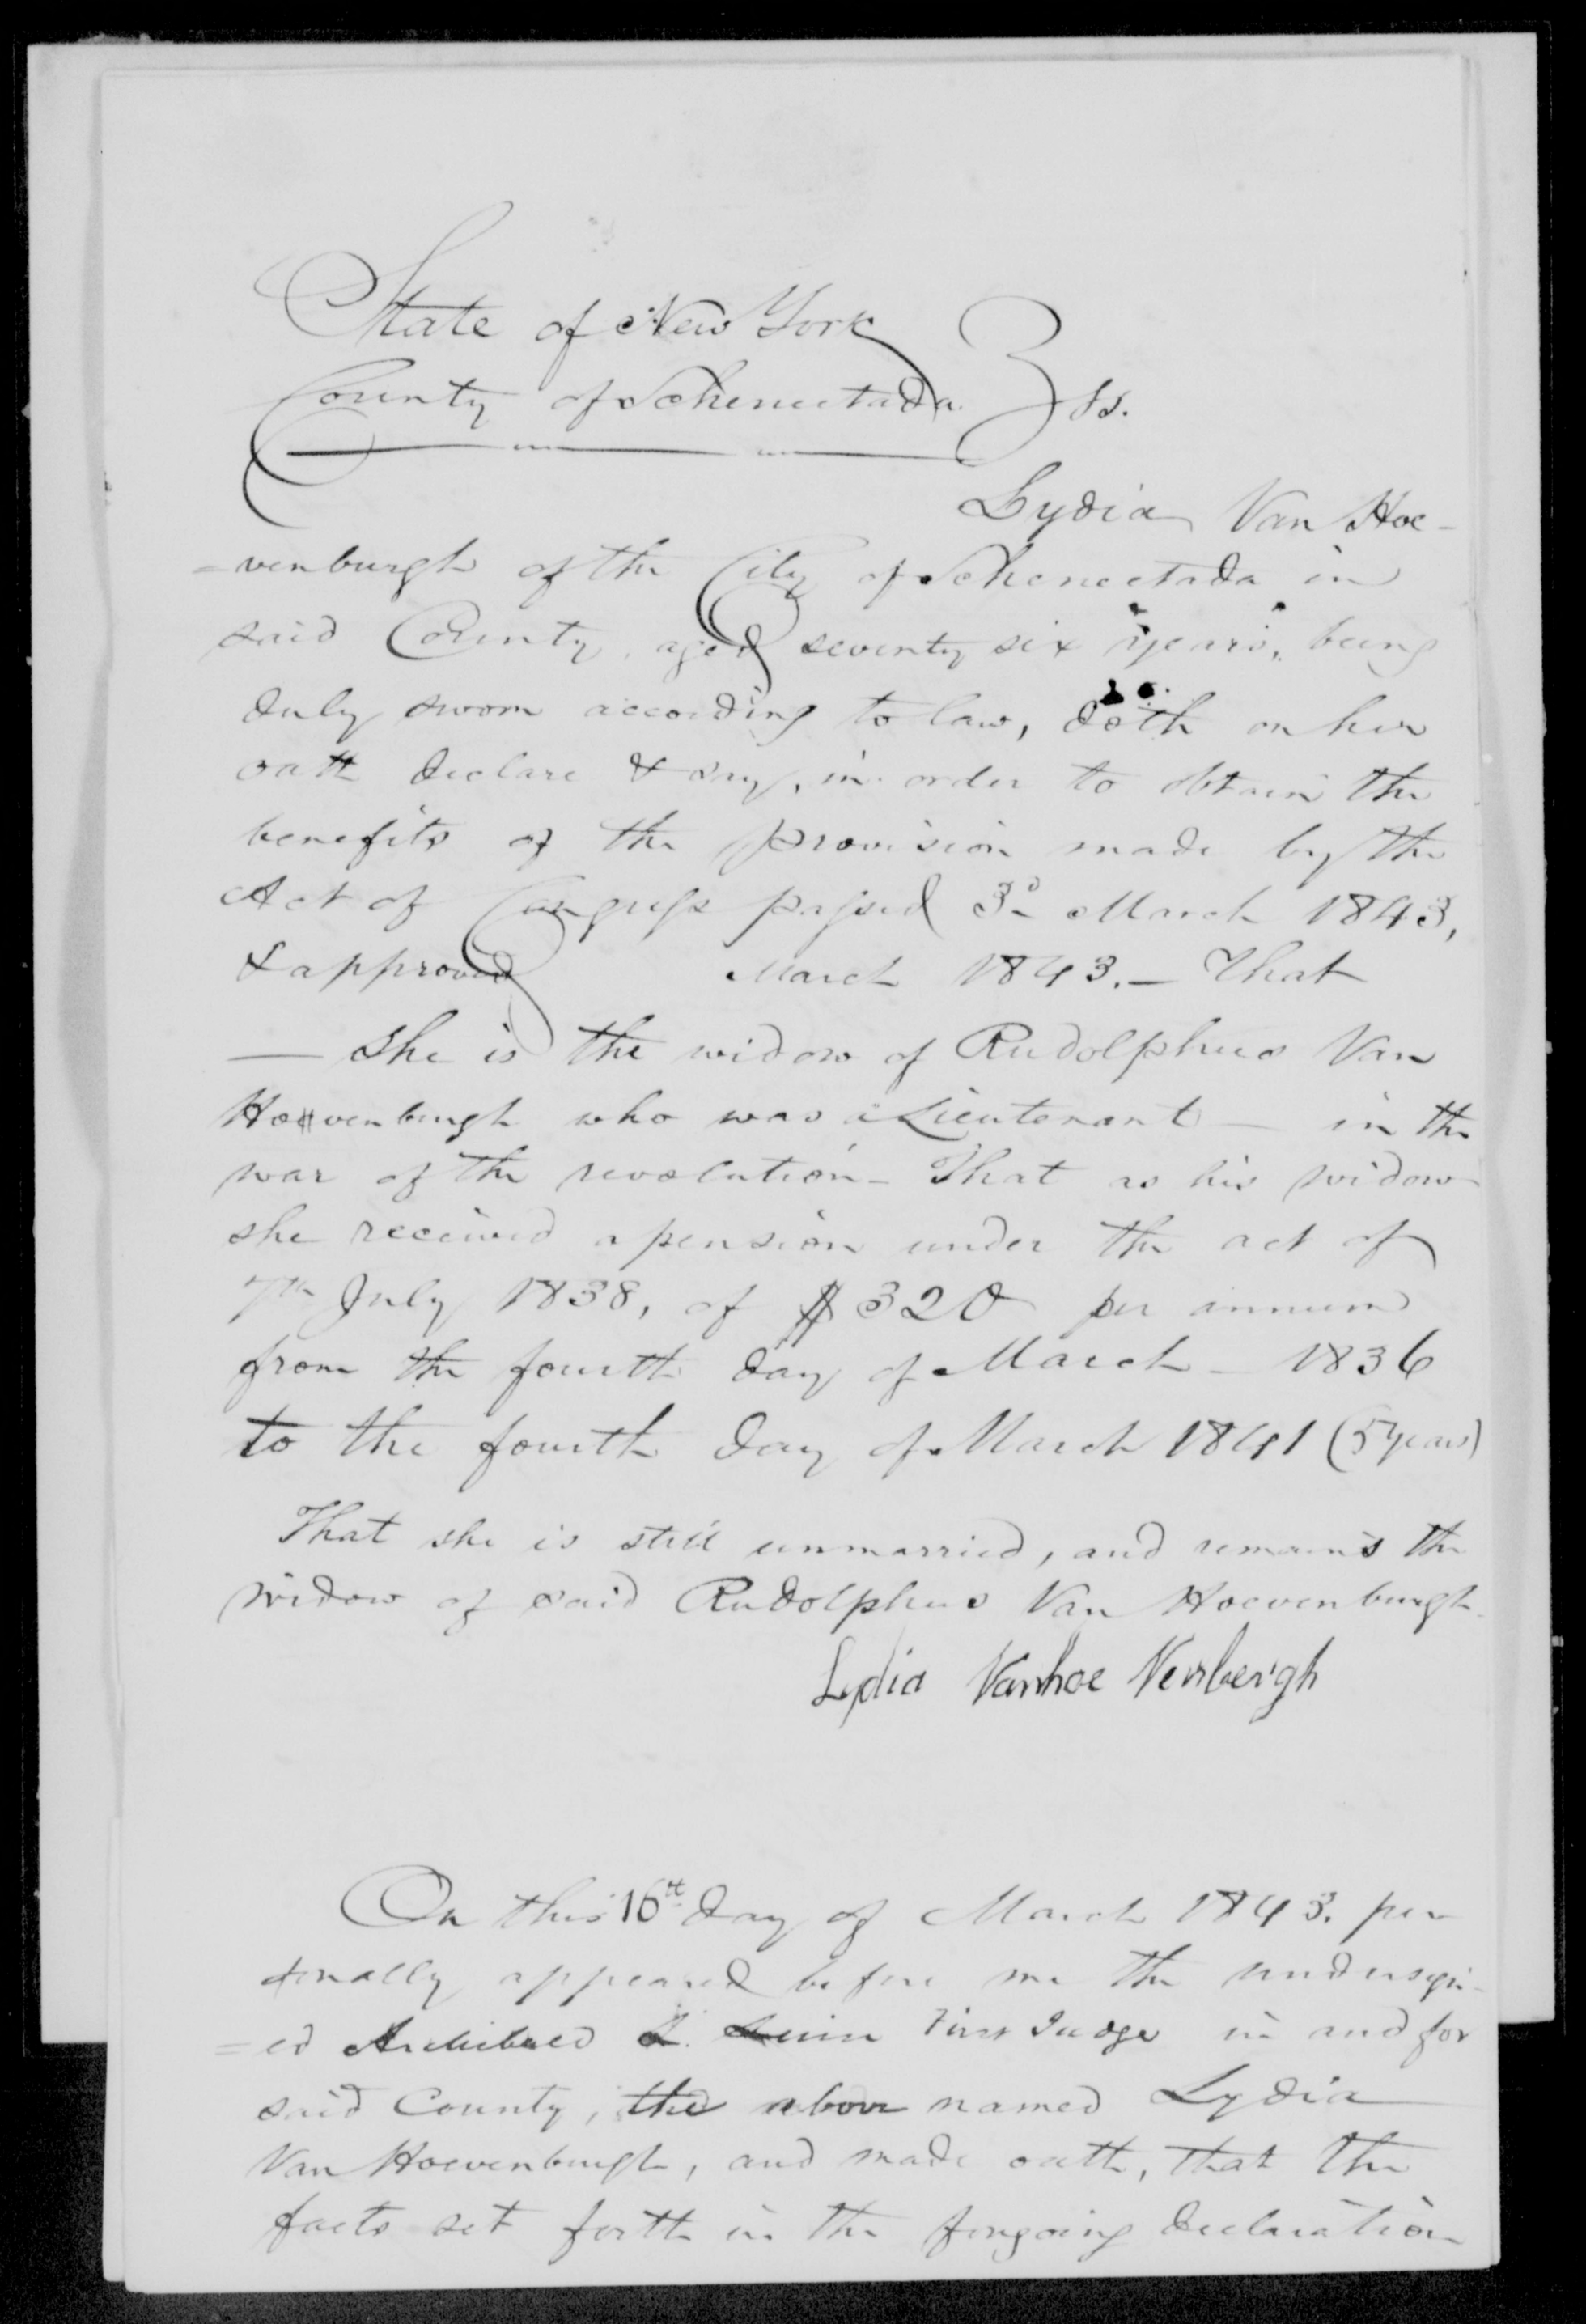State of New York
County of Schenectada
Lydia Van Hoevenburgh of the City of Schenectada in said County, aged seventy six years, being duly sworn according to law, doth on her oath declare & say, in order to obtain the benefits of the provision made by the Act of Congress passed 3d March 1843 & approved March 1843. -That 
- she is the widow of Rudolphus Van Hovenburgh who was a Lieutenant in the war of the revolution. - That as his widow she received a pension under the act of 7th July 1838, of $320 per annum from the fourth day of March,1836 to the fourth day of March 1841 (5 years ),
That she is still unmarried, and remains the Widow of said Rudolphus Van Hovenburgh
[signature] Lydia VanhoeVenburgh
On this 16th day of March 1843. personally appeared before me the undersigned Archibald S Levin First Judge in and for said County, the above named Lydia Van Hoevenburgh, and made oath, that the facts set forth in the foregoing declaration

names: Rudolphus Van Hovenburgh, Lydia Vanhoe Venbergh, Lydia Van Hoevenburgh, Rudolphus Van Hoevenburgh, Lydia Van Hoevenburgh, Archibald L Linn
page: 35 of 38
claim: widow's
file: W. 23324, Rudolphus Van Hoevenbergh, New York